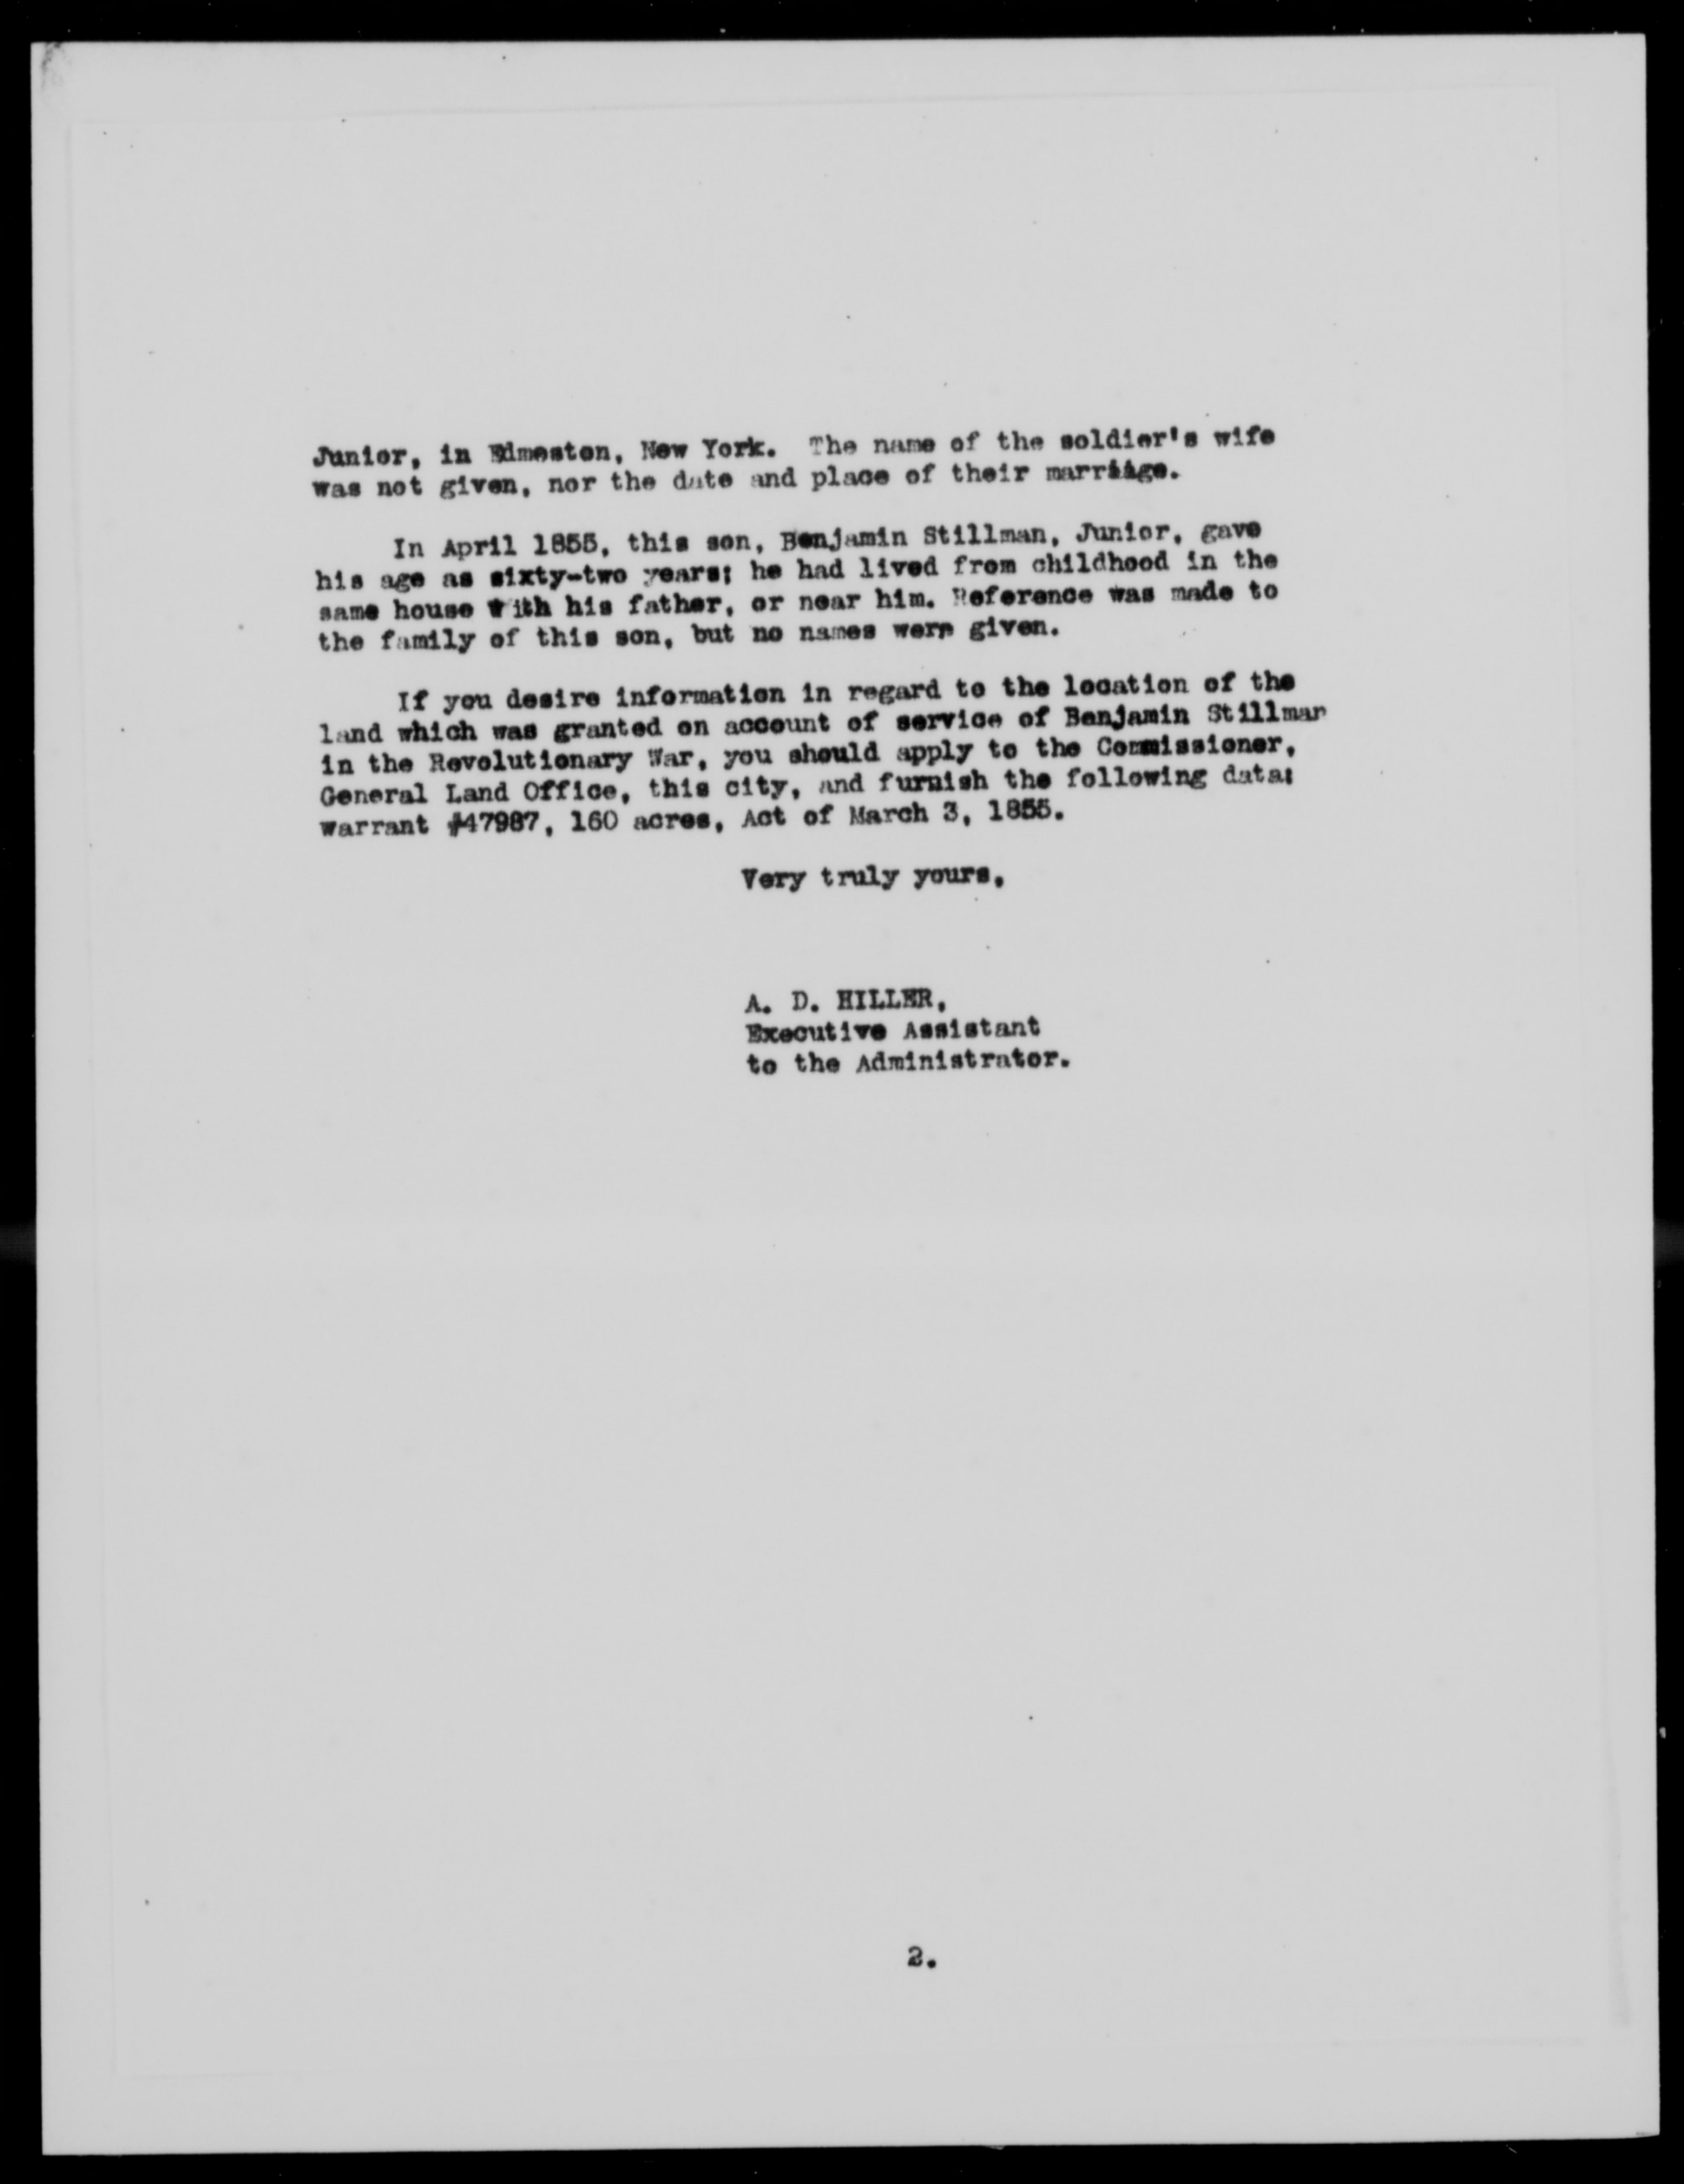Junior, in Edmeston, New York. The name of the soldier's wife was not given, nor the date and place of their marriage.
In April 1855, this son, Benjamin Stillman, Junior, gave his age as sixty-two years; he had lived from childhood in the same house with his father, or near him. Reference was made to the family of this son, but no names were given.
If you desire information in regard to the location of the land which was granted on account of service of Benjamin Stillman in the Revolutionary War, you should apply to the Commissioner, General Land Office, this city, and furnish the following data: Warrant #47987, 160 acres, Act of March 3, 1855. 
Very truly yours, 
A. D. HILLER, 
Executive Assistant 
to the Administrator.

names: Benjamin Stillman; A D Hiller; Benjamin Stillman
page: 10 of 29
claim: bounty land warrant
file: B.L.Wt.47987-160-55, for Benjamin Stillman, Rhode Island